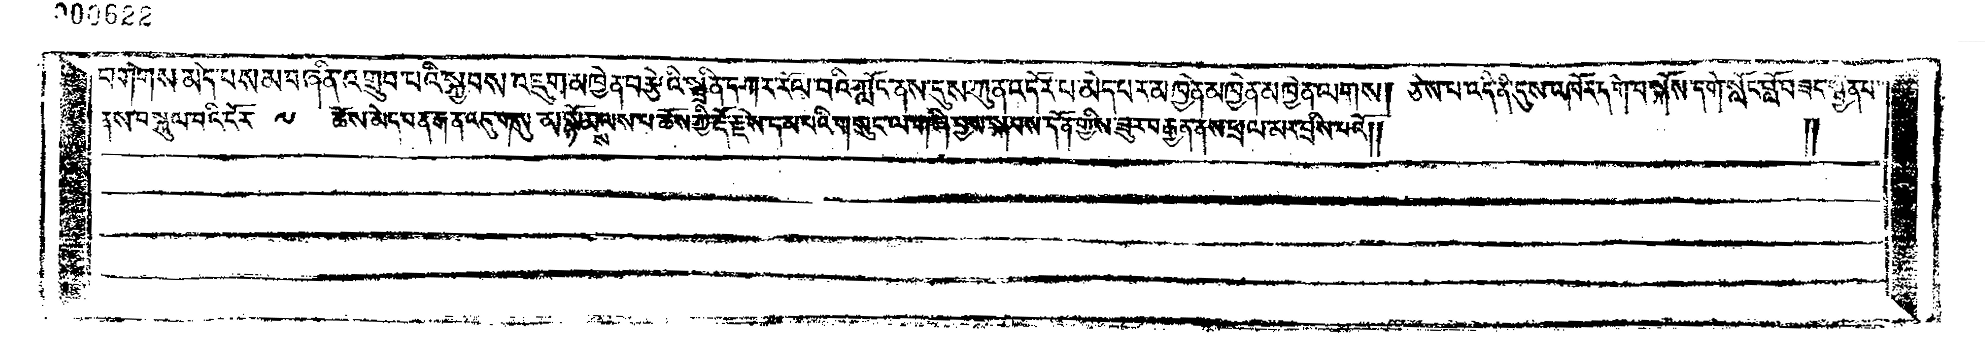བགེགས་མེད་བསམ་བཞིན་འགྲུབ་པའི་སྐྱབས་འཇུག་མཁྱེན་བརྩེའི་སྤྲིན་དཀར་རོལ་བའི་ཀློང་ནས་དུས་ཀུན་འདོར་པ་མེད་པར་མཁྱེན་མཁྱེན་མཁྱེན་ལགས། ཅེས་པ་འདི་ནི་དུས་འཁོར་དགེ་བསྐོས་དགེ་སློང་བློ་བཟང་སྦྱིན་པ་
ནས་བསྐུལ་བའི་ངོར་༧ཆོས་མེད་བན་རྒན་འདུ་གསུམ་སྙོམས་ལས་པ་ཆོས་ཀྱི་རྡོ་རྗེས་དམ་པའི་གསུང་ལ་གཞི་བྱས་སྐབས་དོན་གྱིས་ཟུར་བརྒྱན་ནས་ཕྲལ་མར་བྲིས་པའོ།། །།